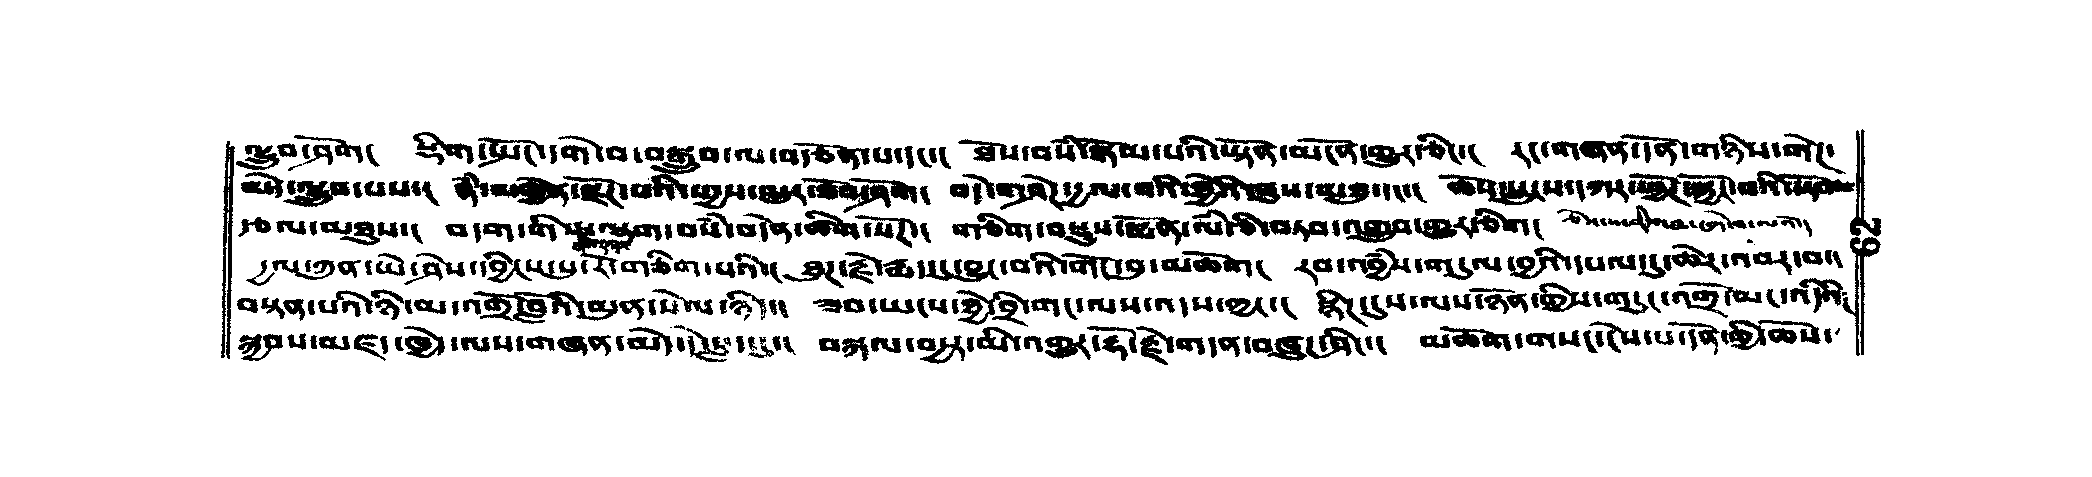ལྷུན་གྲུབ་ཤོག །སྡིག་སྤོང་དགེ་བ་བསྒྲུབ་ལ་བརྩོན་པ་དང་། །ཐོས་བསམ་སྒོམ་པའི་ཡོན་ཏན་མངོན་གྱུར་ཅིང་། །རང་གཞན་དོན་གཉིས་གེགས་
མེད་ལྷུན་གྲུབ་པས། །རྣམ་མཁྱེན་རྫོགས་པའི་སངས་རྒྱས་མྱུར་ཐོབ་ཤོག །བདེ་གཤེགས་རྒྱལ་བའི་ཐུགས་རྗེའི་ནུས་མཐུ་དང་། །ཆོས་སྲུང་དཀར་ཕྱོགས་སྐྱོང་བའི་སྟོབས་
རྩལ་མཐུས། །བདག་གིས་རྣམ་དཀར་ལྷག་བསམ་བདེན་ཚིག་སོགས། །གཅིག་བསྡུས་སྨོན་ལམ་ཅི་བཏབ་འགྲུབ་གྱུར་ཅིག ཅེས་པ་ནི་ཀརྨ་དགེ་བ་ལའོ།། 
རྒྱལ་ཀུན་ཡེ་ཤེས་དབྱིངས་སུ་རོ་གཅིག་པའི། །ཐུགས་རྗེ་རྨད་དུ་བྱུང་བའི་གོང་བུ་མཆོག །རབ་འབྱམས་གདུལ་བྱའི་དཔལ་དུ་ཆེར་འབར་བ། །
བསྟན་པའི་ཉི་མ་འགྲོ་བློའི་མུན་སེལ་ཉིད། །ཟབ་ཡངས་ཐུགས་རྗེ་བྲི་གང་ལས་འདས་ཀྱང་། །སྙིགས་དུས་ལས་ཉོན་གྱིས་གདུངས་འགྲོ་མང་འདིའི། །
སྐྱབས་མཛད་ཁྱེད་ལས་གཞན་མེད་དེ་སླད་དུ། །བསྐལ་བརྒྱར་མི་འགྱུར་རྡོ་རྗེ་གདན་བཞུགས་ཤིང་། མཆོག་གསང་ངེས་པ་དོན་གྱི་ཆོས་